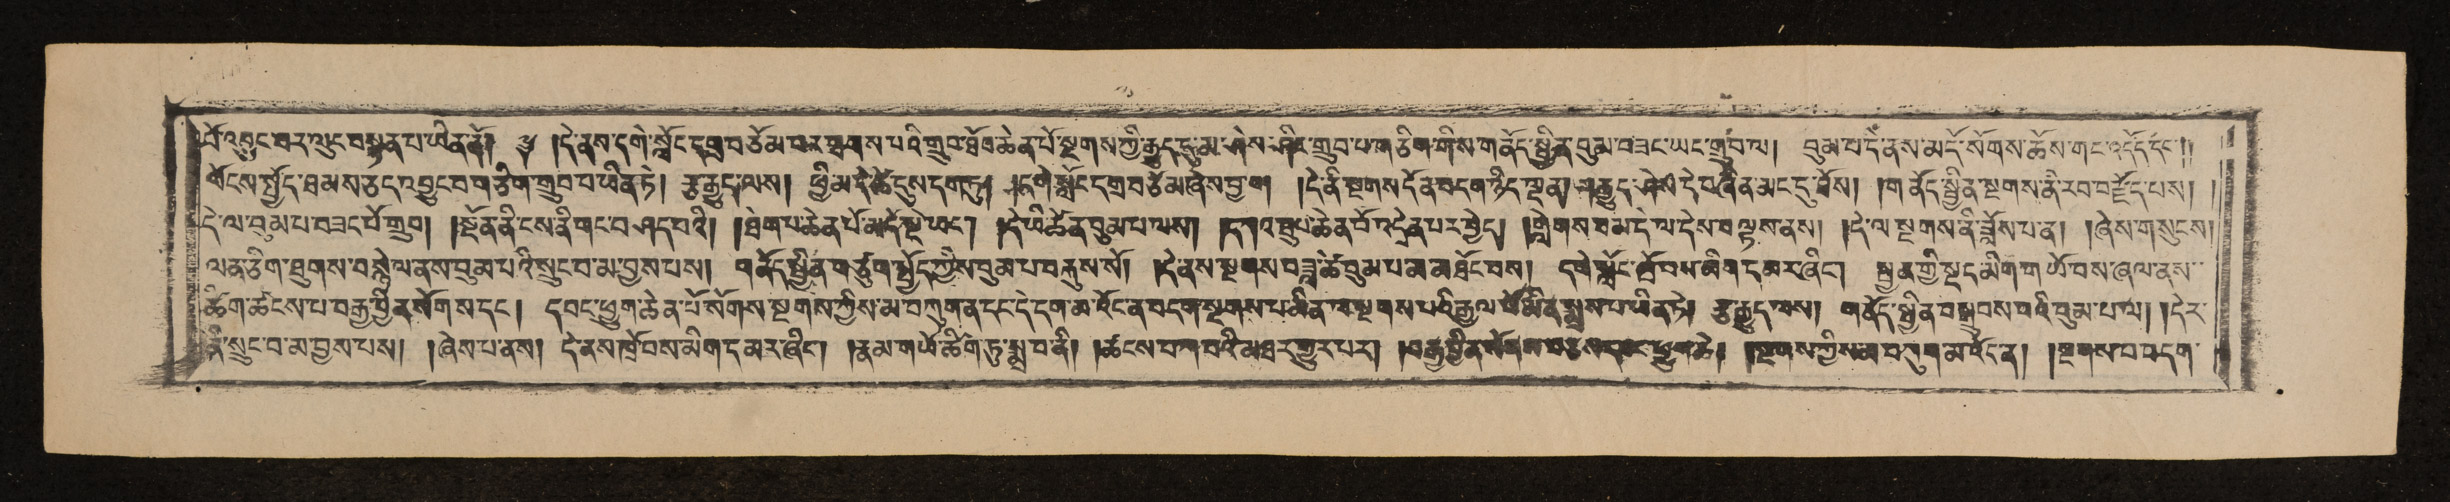པོ་འབྱུང་བར་ལུང་བསྟན་པ་ཡིན་ནོ། ༈ །དེ་ནས་དགེ་སློང་དགྲ་བཅོམ་པར་གྲགས་པའི་གྲུབ་ཐོབ་ཆེན་པོ་སྔགས་ཀྱི་རྒྱུད་དུ་མ་ཤེས་ཤིང་གྲུབ་པ་གཅིག་གིས་གནོད་སྦྱིན་བུམ་བཟང་ཡང་གྲུབ་ལ། བུམ་པ་དེ་ནས་མདོ་སོགས་ཆོས་གང་འདོད་དང་།
ལོངས་སྤྱོད་ཐམས་ཅད་འབྱུང་བ་གཅིག་གྲུབ་པ་ཡིན་ཏེ། རྩ་རྒྱུད་ལས། ཕྱི་མ་དེ་ཚེ་དུས་དག་ཏུ། །དགེ་སློང་དགྲ་བཅོམ་ཞེས་བྱ་བ། །དེ་ནི་སྔགས་དོན་བདག་ཉིད་ལྡན། །རྒྱུད་ཤེས་དེ་བཞིན་མང་དུ་ཐོས། །གནོད་སྦྱིན་སྔགས་ནི་རབ་བརྗོད་པས། །
དེ་ལ་བུམ་པ་བཟང་པོ་གྲུབ། །སྔོན་ནི་ངས་ནི་གང་བཤད་པའི། །ཐེག་པ་ཆེན་པོ་མདོ་སྡེ་ཡང་། །དེ་ཡི་ཚེ་ན་བུམ་པ་ལས། །དཀའ་ཐུབ་ཆེན་པོ་འདྲེན་པར་བྱེད། །གླེགས་བམ་དེ་ལ་དེས་བལྟས་ནས། །དེ་ལ་སྔགས་ནི་ཟློས་པ་ན། །ཞེས་གསུངས།
ལན་ཅིག་ཐུགས་བསྙེལ་ནས་བུམ་པའི་སྲུང་བ་མ་བྱས་པས། གནོད་སྦྱིན་གཙུག་སྤྱོད་ཀྱིས་བུམ་པ་བརྐུས་སོ། །དེ་ནས་སྔགས་བཟླ་ཚེ་བུམ་པ་མ་མཐོང་བས། དགེ་སློང་ཁྲོ་བས་མིག་དམར་ཞིང་། སྤྱན་གྱི་སྡང་མིག་གཡོ་བས་ཞལ་ནས་
ཚིག་ཚངས་པ་བརྒྱ་བྱིན་སོགས་དང་། དབང་ཕྱུག་ཆེན་པོ་སོགས་སྔགས་ཀྱིས་མ་བཀུག་ན་དང་དེ་དག་མ་འོང་ན་བདག་སྔགས་པ་མིན་ལ་སྔགས་པའི་རྒྱལ་པོ་མིན་སྨྲས་པ་ཡིན་ཏེ། རྩ་རྒྱུད་ལས། གནོད་སྦྱིན་བསྒྲུབས་པའི་བུམ་པ་ལ། །དེར་
ནི་སྲུང་བ་མ་བྱས་པས། །ཞེས་པ་ནས། དེ་ནས་ཁྲོ་བས་མིག་དམར་ཞིང་། །རྣམ་གཡོ་ཚིག་ཏུ་སྨྲ་བ་ནི། །ཚངས་པ་ཀ་བའི་མཐར་གྱུར་པར། །བརྒྱ་བྱིན་སོགས་བཅས་དབང་ཕྱུག་ཆེ། །སྔགས་ཀྱིས་མ་བཀུག་མ་འོད་ན། །སྔགས་པ་བདག་